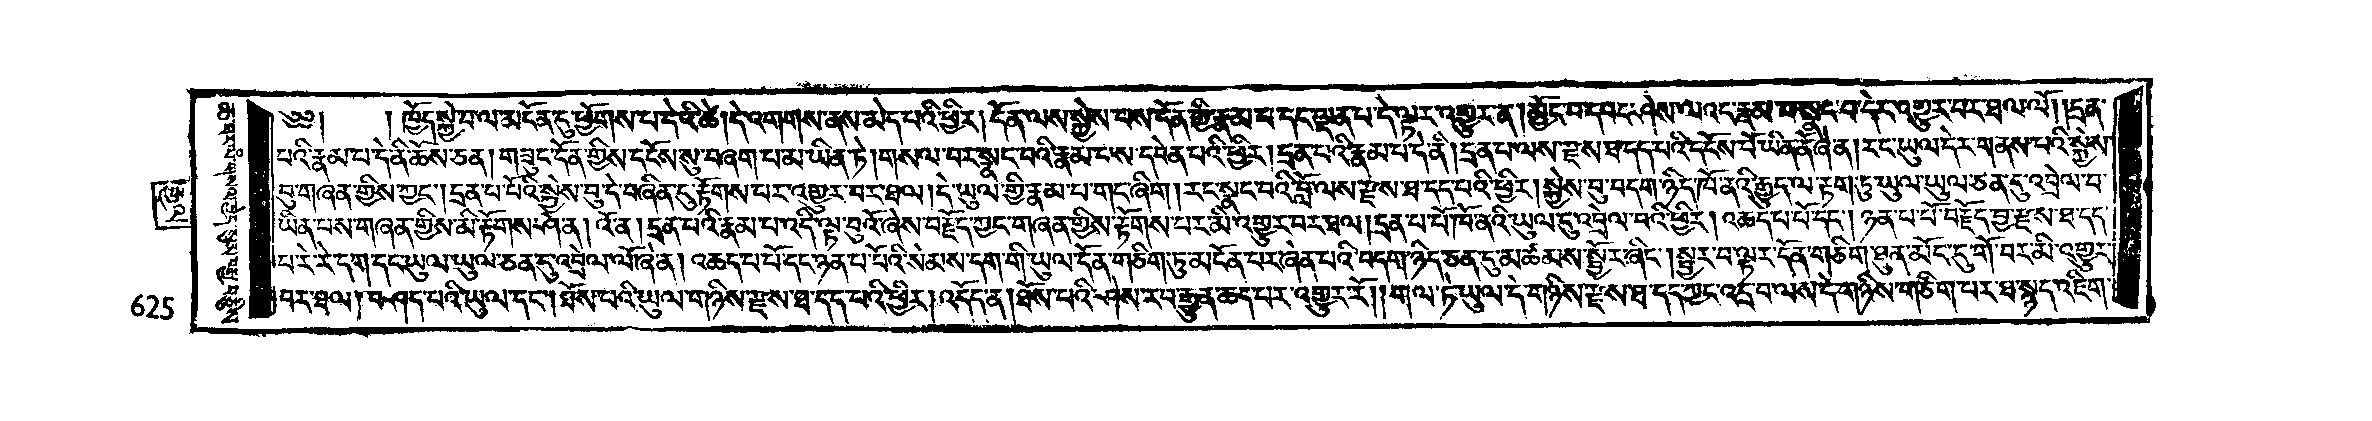༄༅། །ཁྱོད་སྐྱེ་བ་ལ་མངོན་དུ་ཕྱོགས་པ་དེའི་ཚེ། དེ་འགགས་ནས་མེད་པའི་ཕྱིར། དོན་ལས་སྐྱེས་པས་དོན་གྱི་རྣམ་པ་དང་ལྡན་པ་དེ་ལྟར་འགྱུར་ན། མྱོང་བ་དབང་ཤེས་ལའང་རྣམ་པ་སྣང་བ་དེར་འགྱུར་བར་ཐལ་ལོ། །དྲན་
པའི་རྣམ་པ་དེ་ནི་ཆོས་ཅན། གཟུང་དོན་གྱིས་དངོས་སུ་བཞག་པ་མ་ཡིན་ཏེ། གསལ་བར་སྣང་བའི་རྣམ་པས་དབེན་པའི་ཕྱིར། དྲན་པའི་རྣམ་པ་དེ་ནི། དྲན་པ་ལས་རྫས་ཐ་དད་པའི་དངོས་པོ་ཡིན་ནོ་ཞེ་ན། རང་ཡུལ་དེར་གནས་པའི་སྐྱེས་
བུ་གཞན་གྱིས་ཀྱང་། དྲན་པ་པོའི་སྐྱེས་བུ་དེ་བཞིན་དུ་རྟོགས་པར་འགྱུར་བར་ཐལ། དེ་ཡུལ་གྱི་རྣམ་པ་གང་ཞིག །རང་སྣང་བའི་བློ་ལས་རྫས་ཐ་དད་པའི་ཕྱིར། སྐྱེས་བུ་བདག་ཉིད་ཁོ་ནའི་རྒྱུད་ལ་རྟག་ཏུ་ཡུལ་ཡུལ་ཅན་དུ་འབྲེལ་བ་
ཡིན་པས་གཞན་གྱིས་མི་རྟོགས་ཤེ་ན། འོ་ན། དྲན་པའི་རྣམ་པ་འདི་ལྟ་བུའོ་ཞེས་བརྗོད་ཀྱང་གཞན་གྱིས་རྟོགས་པར་མི་འགྱུར་བར་ཐལ། དྲན་པ་པོ་ཁོ་ནའི་ཡུལ་དུ་འབྲེལ་བའི་ཕྱིར། འཆད་པ་པོ་དང་། ཉན་པ་པོ་བརྗོད་བྱ་རྫས་ཐ་དད་
པ་རེ་རེ་དག་དང་ཡུལ་ཡུལ་ཅན་དུ་འབྲེལ་ལོ་ཞེ་ན། འཆད་པ་པོ་དང་ཉན་པ་པོའི་སེམས་དག་གི་ཡུལ་དོན་གཅིག་ཏུ་མངོན་པར་ཞེན་པའི་བདག་ཉིད་ཅན་དུ་མཚམས་སྦྱོར་ཞིང་། སྦྱར་བ་ལྟར་དོན་གཅིག་ཐུན་མོང་དུ་གོ་བར་མི་འགྱུར་
བར་ཐལ། བཤད་པའི་ཡུལ་དང་། ཐོས་པའི་ཡུལ་གཉིས་རྫས་ཐ་དད་པའི་ཕྱིར། འདོད་ན། ཐོས་པའི་ཤེས་རབ་རྒྱུན་ཆད་པར་འགྱུར་རོ། །གལ་ཏེ་ཡུལ་དེ་གཉིས་རྫས་ཐ་དད་ཀྱང་འདྲ་བ་ལས་དེ་གཉིས་གཅིག་པར་ཐ་སྙད་འཇིག་